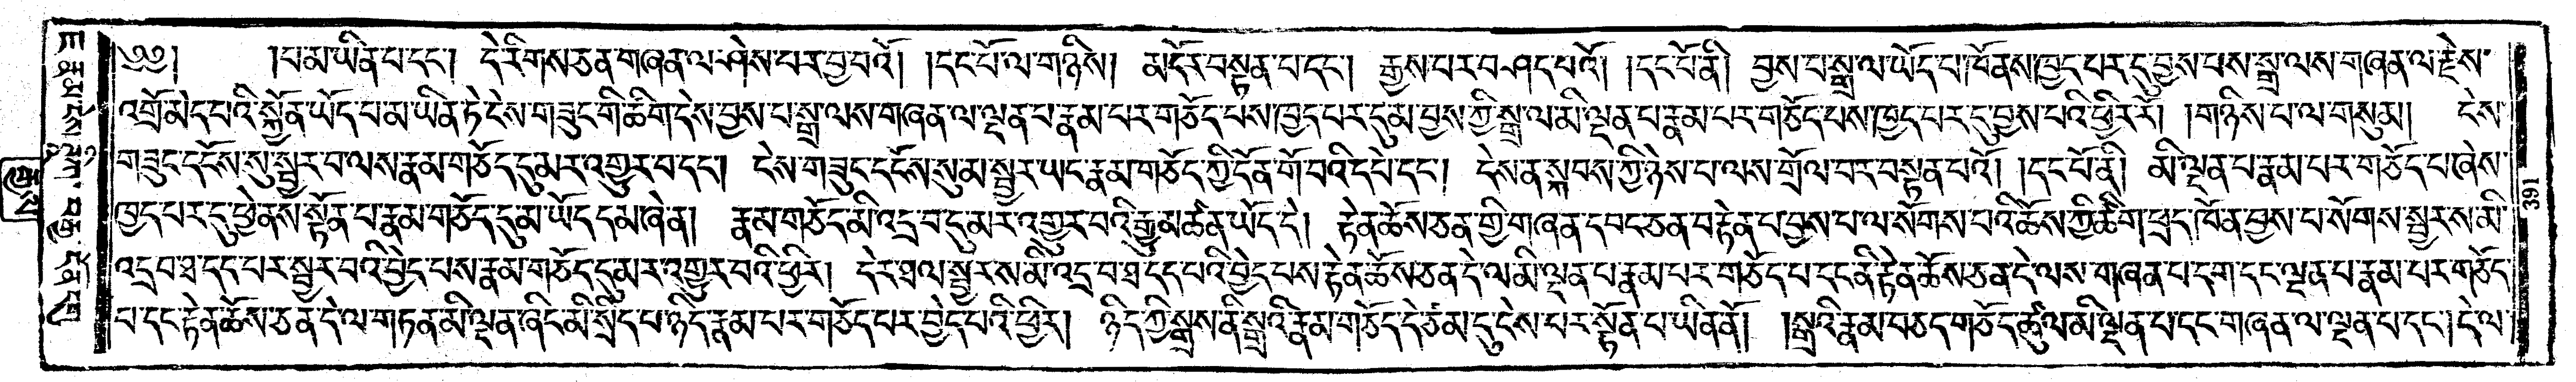༄༅། །པ་མ་ཡིན་པ་དང་། དེ་རིགས་ཅན་གཞན་ལ་ཤེས་པར་བྱ་བའོ། །དང་པོ་ལ་གཉིས། མདོར་བསྟན་པ་དང་། རྒྱས་པར་བཤད་པའོ། །དང་པོ་ནི། བྱས་པ་སྒྲ་ལ་ཡོད་པ་ཁོ་ནས་ཁྱད་པར་དུ་བྱས་པས་སྒྲ་ལས་གཞན་ལ་རྗེས་
འགྲོ་མེད་པའི་སྐྱོན་ཡོད་པ་མ་ཡིན་ཏེ་ངེས་གཟུང་གི་ཚིག་དེས་བྱས་པ་སྒྲ་ལས་གཞན་ལ་ལྡན་པ་རྣམ་པར་གཅོད་པས་ཁྱད་པར་དུ་མ་བྱས་ཀྱི་སྒྲ་ལ་མི་ལྡན་པ་རྣམ་པར་གཅོད་པས་ཁྱད་པར་དུ་བྱས་པའི་ཕྱིར་རོ། །གཉིས་པ་ལ་གསུམ། ངེས་
གཟུང་དངོས་སུ་སྦྱར་བ་ལས་རྣམ་གཅོད་དུ་མར་འགྱུར་བ་དང་། ངེས་གཟུང་དངོས་སུ་མ་སྦྱར་ཡང་རྣམ་གཅོད་ཀྱི་དོན་གོ་བའི་དཔེ་དང་། དེས་ན་སྐབས་ཀྱི་ཉེས་པ་ལས་གྲོལ་བར་བསྟན་པའོ། །དང་པོ་ནི། མི་ལྡན་པ་རྣམ་པར་གཅོད་པ་ཞེས་
ཁྱད་པར་དུ་ཕྱེ་ནས་སྟོན་པ་རྣམ་གཅོད་དུ་མ་ཡོད་དམ་ཞེ་ན། རྣམ་གཅོད་མི་འདྲ་བ་དུ་མར་འགྱུར་བའི་རྒྱུ་མཚན་ཡོད་དེ། རྟེན་ཆོས་ཅན་གྱི་གཞན་དབང་ཅན་བརྟེན་པ་བྱས་པ་ལ་སོགས་པའི་ཆོས་ཀྱི་ཚིག་ཕྲད་ཁོ་ན་བྱས་པ་སོགས་སྦྱར་ས་མི་
འདྲ་བ་ཐ་དད་པར་སྦྱར་བའི་བྱེད་པས་རྣམ་གཅོད་དུ་མར་འགྱུར་བའི་ཕྱིར། དེར་ཐལ་སྦྱར་ས་མི་འདྲ་བ་ཐ་དད་པའི་བྱེད་པས་རྟེན་ཆོས་ཅན་དེ་ལ་མི་ལྡན་པ་རྣམ་པར་གཅོད་པ་དང་ནི་རྟེན་ཆོས་ཅན་དེ་ལས་གཞན་པ་དག་དང་ལྡན་པ་རྣམ་པར་གཅོད་
པ་དང་རྟེན་ཆོས་ཅན་དེ་ལ་གཏན་མི་ལྡན་ཞིང་མི་སྲིད་པ་ཉིད་རྣམ་པར་གཅོད་པར་བྱེད་པའི་ཕྱིར། ཉིད་ཀྱི་སྒྲས་ནི་སྒྲའི་རྣམ་གཅོད་དེ་ཙམ་དུ་ངེས་པར་སྟོན་པ་ཡིན་ནོ། །སྒྲའི་རྣམ་བཅད་གཅོད་ཚུལ་མི་ལྡན་པ་དང་གཞན་ལ་ལྡན་པ་དང་། དེ་ལ་